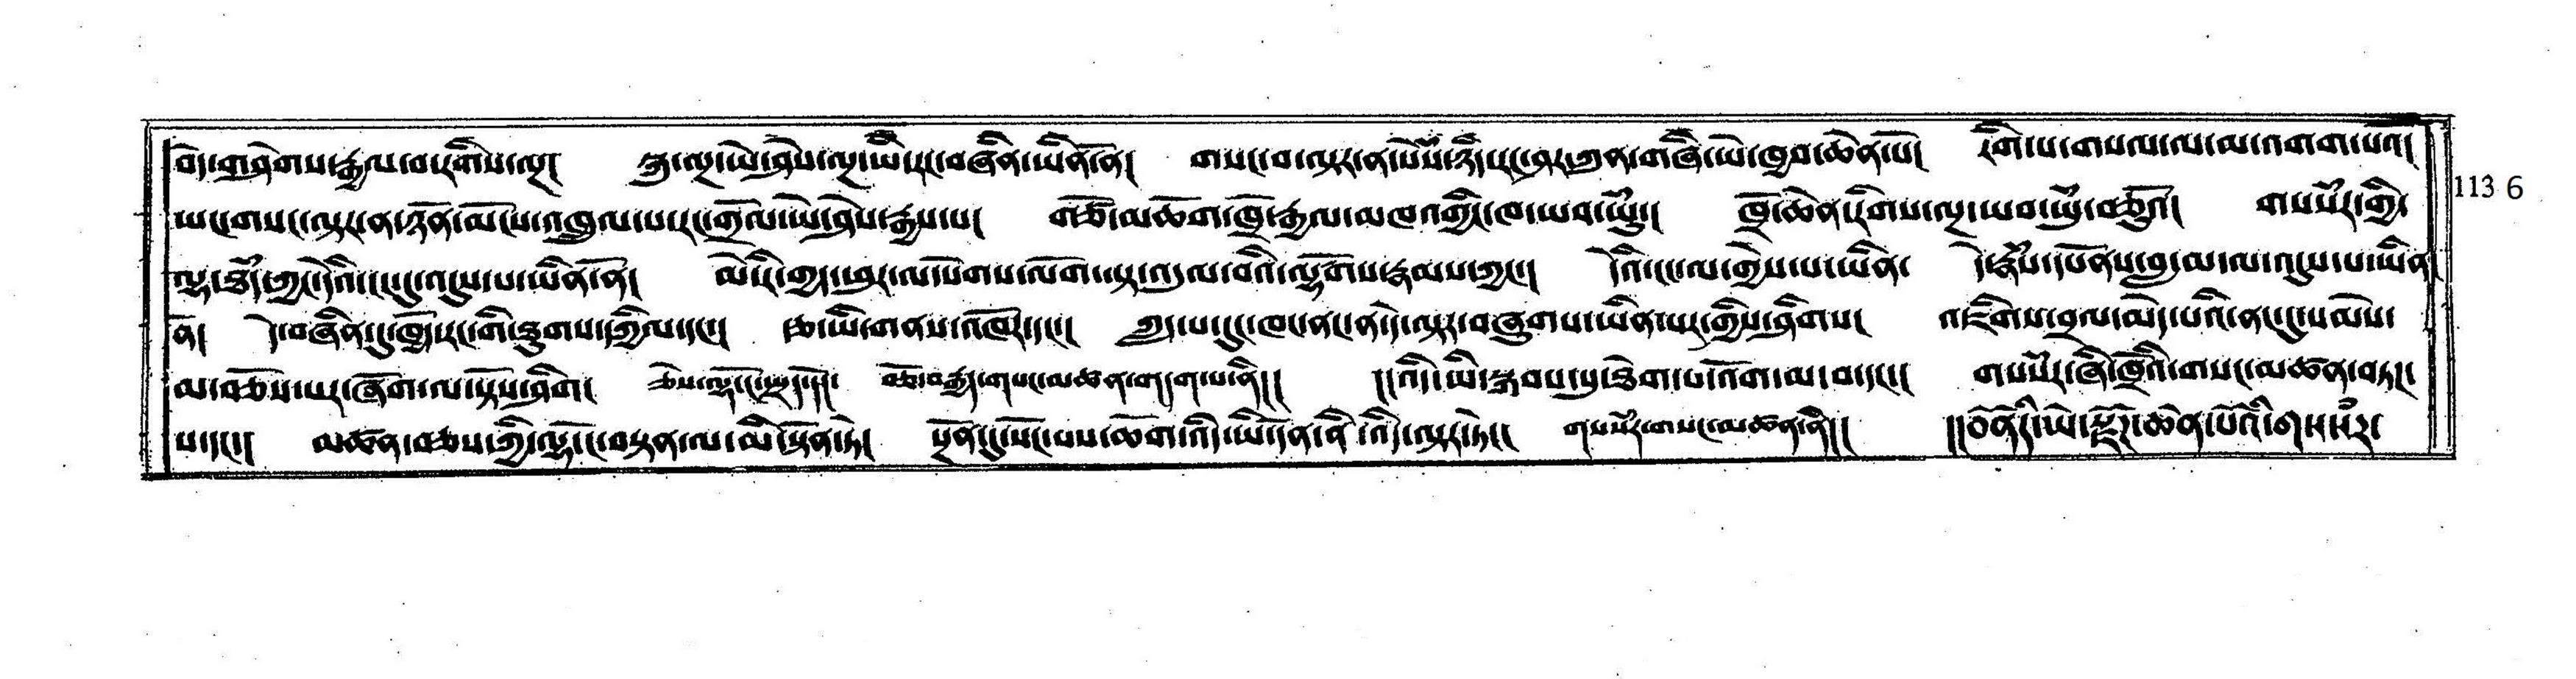བདེ་གཤེགས་རྒྱལ་བ་རིགས་ལྔ། སྐུ་ལྔ་ཡེ་ཤེས་ལྔ་ཡི་རང་བཞིན་ཡིན་ནོ། གསང་བ་ལྟར་ན་སེམས་ཉིད་རང་ཤར་ཀུན་གཞི་ཡེ་ཁྱབ་ཆེན་པོ། རིག་པ་གསལ་ལ་མ་འགག་པའོ། 
ཡང་གསང་ལྟར་ན་ཉོན་མོངས་འཁྲུལ་པ་རང་གྲོལ་ཡེ་ཤེས་རྒྱས་པ། གཙོ་མཆོག་ཁྲོ་རྒྱལ་མཁའ་འགྱིང་ཁ་ཡབ་ཡུམ། ཁྲོ་ཆེན་རིགས་ལྔ་ཡབ་ཡུམ་བཅུའོ། གསས་མཁར་གྱི་
ལྷ་ཐམས་ཅད་ཀྱང་དེའི་ངང་དུ་འདུས་པ་ཡིན་ནོ། མེ་རི་གྱད་ཕུར་ལ་སོགས་ལོག་ལྟ་འདུལ་བའི་ལྷ་ཚོགས་རྣམས་ཀྱང་། དེའི་ངང་ལ་གྱེས་པ་ཡིན། དེ་རྣམས་དཔོན་གསས་བླ་མ་ལ་འདུས་པ་ཡིན་ནོ། 
དེ་བཞིན་དུ་ཁྱོད་རང་གི་ཐུགས་དཀྱིལ་དང་། རྩ་ཡི་གནས་འཁོར་དང་། ཀླད་པ་དུང་ཁང་ནང་ན་དེ་ལྟར་བཞུགས་ཡིན་པར་གྱིས་ཤིག། འཇིགས་བྲལ་མེད་པའི་ནང་དུ་སེམས་
མ་བཅོས་པར་ཞོག་ལ་སྟོས་ཤིག ཅེས་ལྷ་ངོ་སྤྲད་དོ། བཅོ་བརྒྱད་གསང་མཚན་གདག་པ་ནི།། །།འདི་ཡི་སྐབས་སུ་ཐེག་པ་འོག་མ་བ་དང་། གསས་མཁར་ཞི་ཁྲོའི་གསང་མཚན་བཏགས་
པ་དང་། མཚན་བཅས་ཀྱི་ལྷ་ངོ་བསྟན་པ་མི་སྟོན་ཏེ། སྔོན་དུ་སོང་བས་ཆོ་ག་འདི་ཡི་དོན་ནི་འདི་ལྟར་ཏེ།། གསས་མཁར་གསང་མཚན་ནི།། །།བོན་ཉིད་ཡེ་རྫོགས་ཆེན་པོའི་གསས་མཁར།